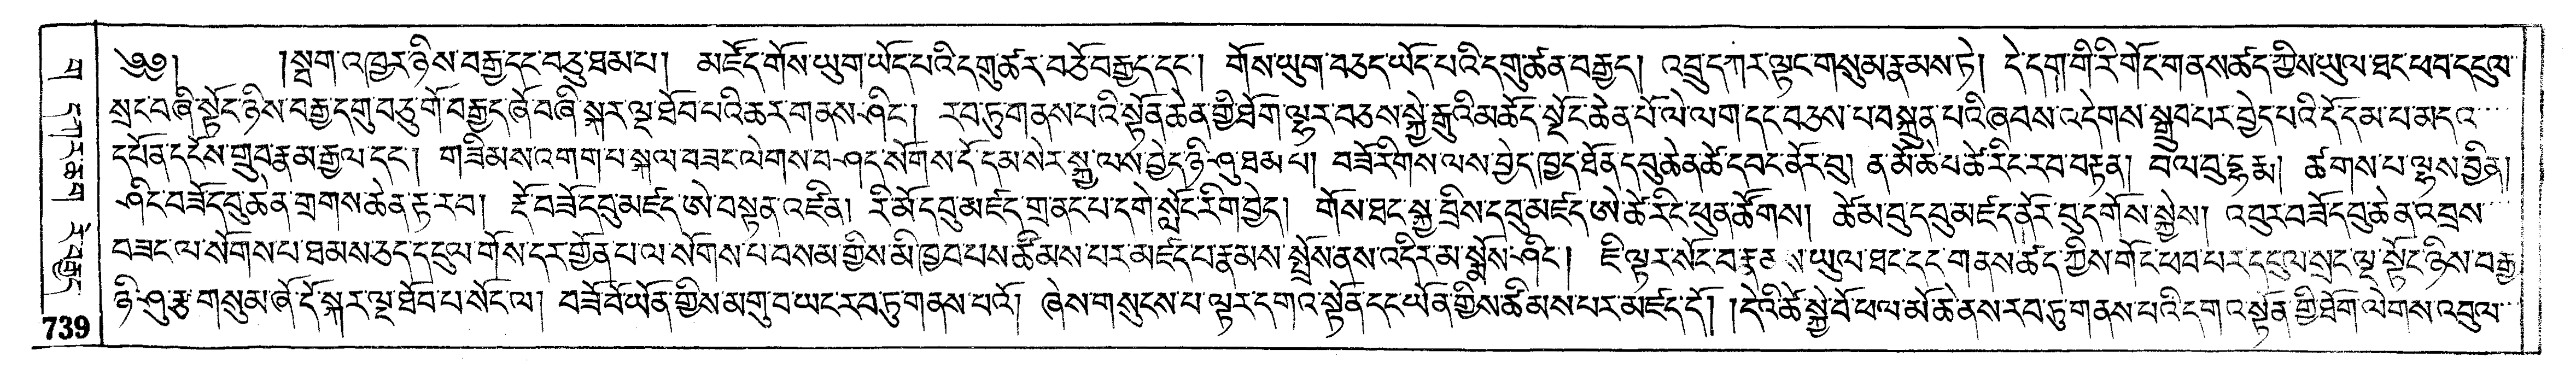༄༅། །སྦག་འཁྱར་ཉིས་བརྒྱ་དང་བཅུ་ཐམ་པ། མཛོད་གོས་ཡུག་ཡོད་པའི་དགུ་ཚན་བཅོ་བརྒྱད་དང་། གོས་ཡུག་བཅད་ཡོད་པའི་དགུ་ཆེན་བརྒྱད། འབྲུ་དཀར་ལྟང་གསུམ་རྣམས་ཏེ། དེ་དག་གི་རི་གོང་གནས་ཚད་ཀྱིས་ཡུལ་ཐང་ཕབ་དངུལ་
སྲང་བཞི་སྟོང་ཉིས་བརྒྱ་དགུ་བཅུ་གོ་བརྒྱད་ཞོ་བཞི་སྐར་ལྔ་ཐོབ་པའི་ཆར་གནས་ཤིང་། རབ་ཏུ་གནས་པའི་སྟོན་ཆེན་གྱི་ཐོག་ལྷར་བཅས་སྐྱེ་རྒུའི་མཆོད་སྡོང་ཆེན་པོ་ལེ་ལག་དང་བཅས་པ་བསྐྲུན་པའི་ཞབས་འདེགས་སྒྲུབ་པར་བྱེད་པའི་དོ་དམ་པ་མདའ་
དཔོན་དངོས་གྲུབ་རྣམ་རྒྱལ་དང་། གཟིམས་འགག་པ་སྐལ་བཟང་ལེགས་བཤད་སོགས་དོ་དམ་སེར་སྐྱ་ལས་བྱེད་ཉི་ཤུ་ཐམ་པ། བཟོ་རིགས་ལས་བྱེད་ཁྱད་ཐོན་དབུ་ཆེན་ཚེ་དབང་ནོར་བུ། ན་མོ་ཆེ་པ་ཚེ་རིང་རབ་བརྟན། བལ་བུ་དྷརྨ། ཚགས་པ་ལྷས་བྱིན།
ཤིང་བཟོད་བུ་ཆེན་གྲགས་ཆེན་རྟ་རབ། རྡོ་བཟོ་དབུ་མཛད་ཨེ་བསྟན་འཛིན། རི་མོ་དབུ་མཛད་གྲ་ནང་པ་དགེ་སློང་རིག་བྱེད། གོས་ཐང་སྐྱ་བྲིས་དབུ་མཛད་ཨེ་ཚེ་རིང་ཕུན་ཚོགས། ཚེམ་བུ་དབུ་མཛད་ནོར་བུ་དགོས་སྐྱེས། འབུར་བཟོ་དབུ་ཆེན་འབྲས་
བཟང་ལ་སོགས་པ་ཐམས་ཅད་དངུལ་གོས་དར་གྱོན་པ་ལ་སོགས་པ་བསམ་གྱིས་མི་ཁྱབ་པས་ཚིམས་པར་མཛད་པ་རྣམས་སྤྲོས་ནས་འདིར་མ་སྨོས་ཤིང་། ཇི་ལྟར་སོང་བ་རྣམས་ཡུལ་ཐང་དང་གནས་ཚད་ཀྱིས་གོང་ཕབ་པར་དངུལ་སྲང་ལྔ་སྟོང་ཉིས་བརྒྱ་
ཉི་ཤུ་རྩ་གསུམ་ཞོ་དོ་སྐར་ལྔ་ཐོབ་པ་སོང་ལ། བཟོ་བོ་ཡོན་གྱིས་མགུ་བ་ཡང་རབ་ཏུ་གནས་པའོ། ཞེས་གསུངས་པ་ལྟར་དགའ་སྟོན་དང་ཡོན་གྱིས་ཚིམས་པར་མཛད་དོ། །དེའི་ཚེ་སྐྱེ་བོ་ཕལ་མོ་ཆེ་ནས་རབ་ཏུ་གནས་པའི་དགའ་སྟོན་གྱི་ཐོག་ལེགས་འབུལ་